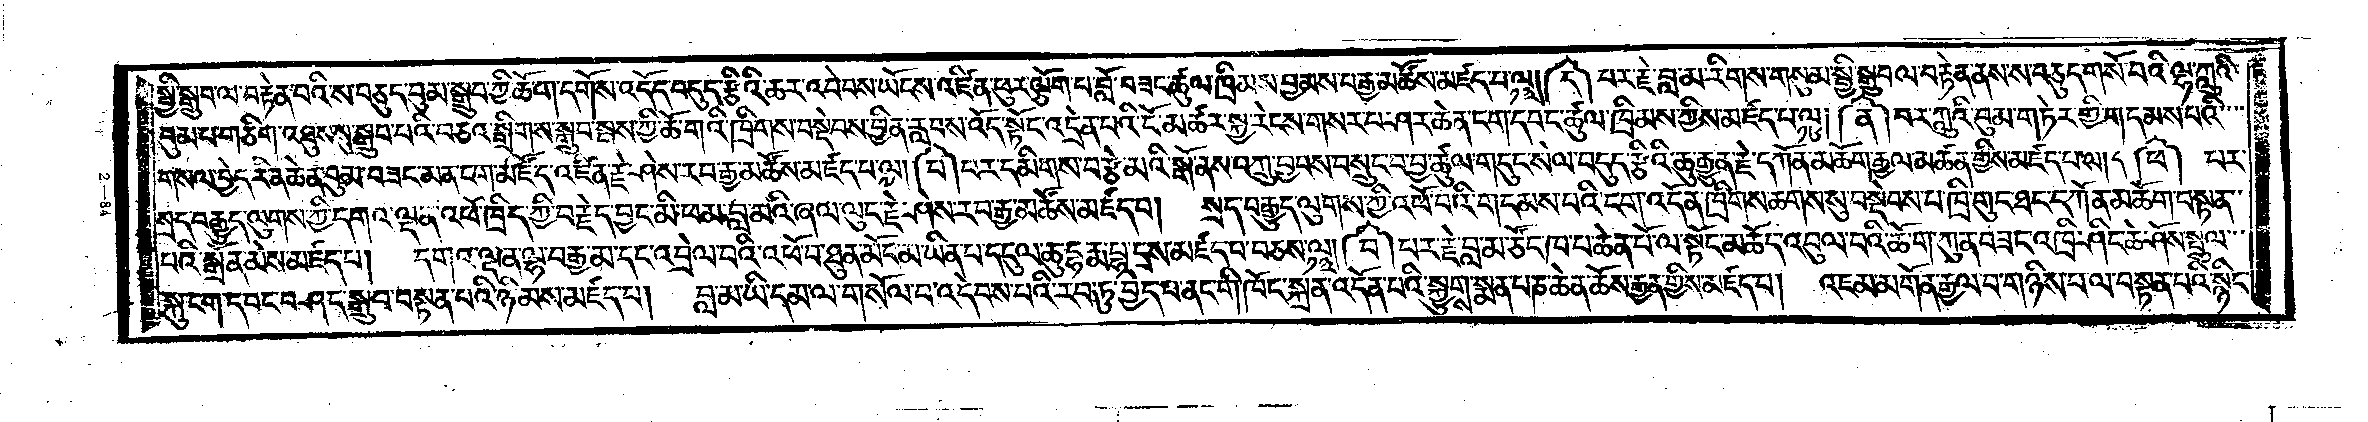སྤྱི་སྒྲུབ་ལ་བརྟེན་བའི་ས་བཅུད་བུམ་སྒྲུབ་ཀྱི་ཆོ་ག་དགོས་འདོད་བདུད་རྩིའི་ཆར་འབེབས་ཡོངས་འཛིན་ཕུར་ལྕོག་པ་བློ་བཟང་ཚུལ་ཁྲིམས་བྱམས་པ་རྒྱ་མཚོས་མཛད་པ་ལ། ༼ད༽ པར་རྗེ་བླ་མ་རིགས་གསུམ་སྦྱི་སྒྲུབ་ལ་བརྟེན་ནས་ས་བཅུད་གསོ་བའི་ལྷ་ཀླུའི་
བུམ་པ་གཅིག་འཐུས་སུ་སྒྲུབ་པའི་བཅའ་སྒྲིགས་སྒྲུབ་སྦས་ཀྱི་ཆོ་གའི་ཁྲིགས་བསྡེབས་བྱིན་རླབས་འོད་སྟོང་འདྲེན་པའི་ངོ་མཚར་སྐྱ་རེངས་གསར་པ་ཤར་ཆེན་ངག་དབང་ཚུལ་ཁྲིམས་ཀྱིས་མཛད་པ་ལ། ༼ན༽ བར་ཀླུའི་བུམ་གཏེར་གྱི་གདམས་པའི་
གསལ་བྱེད་རིན་ཆེན་བུམ་བཟང་མན་ངག་མཛོད་འཛིན་རྗེ་ཤེས་རབ་རྒྱ་མཚོས་མཛད་པ་ལ། ༼པ༽ པར་དམིགས་བརྩེ་མའི་སྒོ་ནས་བཀྲུ་བྱབས་བསྲུང་བ་བྱ་ཚུལ་གདུང་སེལ་བདུད་རྩིའི་ཆུ་རྒྱུན་རྗེ་དཀོན་མཆོག་རྒྱལ་མཚན་གྱིས་མཛད་པ་ལ། ༨ ༼ཕ༽ པར་
སྲད་བརྒྱུད་ལུགས་ཀྱི་དགའ་ལྡན་འཕོ་ཁྲིད་ཀྱི་བརྗེད་བྱང་མི་ཕམ་བླ་མའི་ཞལ་ལུང་རྗེ་ཤེས་རབ་རྒྱ་མཚོས་མཛད་བ། སྲད་བརྒྱུད་ལུགས་ཀྱི་འཕོ་བའི་གདམས་པའི་ངག་འདོན་ཁྲིགས་ཆགས་སུ་བསྡེབས་པ་ཁྲི་གུང་ཐང་དཀོན་མཆོག་བསྟན་
བའི་སྒྲོན་མེས་མཛད་པ། དགའ་ལྡན་ལྷ་བརྒྱ་མ་དང་འབྲེལ་བའི་འཕོ་བ་ཐུན་མོང་མ་ཡིན་པ་དངུལ་ཆུ་དྷརྨ་ཕ་དྲས་མཛད་པ་བཅས་ལ། ༼བ༽ པར་རྗེ་བླ་མ་ཙོང་ཁ་པ་ཆེན་པོ་ལ་སྟོང་མཆོད་འབུལ་བའི་ཆོ་ག་ཀུན་བཟང་འཁྲི་ཤིང་ཆེ་ཤོས་སྤྲུལ་
སྐུ་ངག་དབང་བཤད་སྒྲུབ་བསྟན་པའི་ཉི་མས་མཛད་པ། བླ་མ་ཡི་དམ་ལ་གསོལ་བ་འདེབས་པའི་རབ་ཏུ་བྱེད་པ་ནང་གི་ཁོང་སྐྲན་འདོན་པའི་སྐྱུགས་སྨན་པཎ་ཆེན་ཆོས་རྒྱན་གྱིས་མཛད་པ། འཇམ་མགོན་རྒྱལ་བ་གཉིས་པ་ལ་བསྟན་པའི་སྙིང་